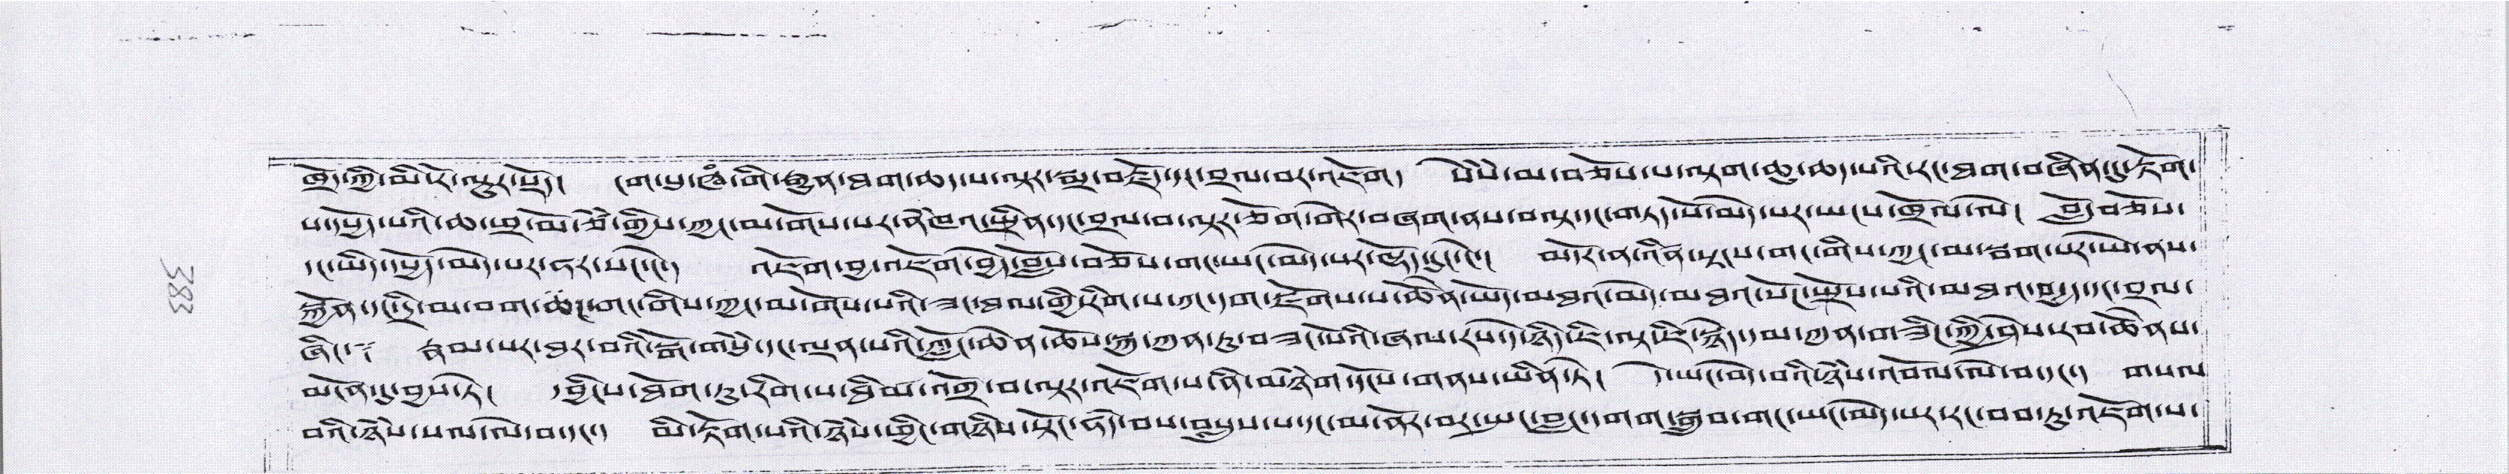ཁྲོད་ཀྱི་མི་རོ་ལྟ་བུར་སྡོད། ངག་པི་ཝང་གི་རྒྱུན་ཐག་ཆད་པ་ལྟར་སྨྲ་བརྗོད་དང་བྲལ་བར་འཇོག སེམས་མ་བཅོས་པ་ལྟག་ཆུ་ཆད་པའི་རང་ཐག་བཞིན་དུ་རྟོག་
པ་དཔྱོད་པའི་ཆ་ཕྲ་མོ་ཙམ་ཡང་མ་གོས་པར་ནམ་མཁའ་སྤྲིན་དང་བྲལ་བ་ལྟར་ཅོག་གེ་བཞག་ནས་བལྟ་དང་གཏད་སོ་མེད་པར་ཡང་གྲོལ་ལེ། བློ་བཅོས་
དང་ཡིད་དཔྱོད་མེད་པར་ཧར་སང་ངེ་། འཇོག་བྱ་འཇོག་བྱེད་བློས་བཅོས་གང་ཡང་མེད་པར་ལྷོད་དུང་ངེ་། མདོར་ན་འཛིན་སྟངས་གང་གིས་ཀྱང་མ་སྦག་པར་ཡེ་ནས་
སྐྱོན་དང་དྲི་མ་བག་ཆགས་གང་གིས་ཀྱང་མ་གོས་པའི་ཟང་ཐལ་གྱི་རིག་པ་ཀ་དག་རྫོགས་པ་ཆེན་པོ་ཡོད་མཐའ་མེད་མཐའ་སོགས་སྤྲོས་པའི་མཐའ་བརྒྱད་དང་བྲལ་
ཞིང་། རྣམ་པར་ཐར་པའི་སྒོ་གསུམ་དང་ལྡན་པའི་ཀློང་ཆེན་ཆོས་སྐུ་ཀུན་ཏུ་བཟང་པོའི་ཞལ་རས་དེ་ཉིད་ཇི་ལྟ་ཇི་སྙེད་དམ་ཀུན་གཟིགས་ཀྱི་ཤེས་རབ་ཆེན་པོས་
མངོན་དུ་བྱས་ཏེ། དབྱིངས་ཐོག་ཏུ་རིག་པ་ཐིམ་འགྲོ་བ་ལྟར་འཇོག་པ་ནི་མཉམ་གཞག་དངོས་གནས་ཡིན་ཏེ། དེ་ཡང་བདེ་བའི་ཉམས་འབོལ་ལེ་བ་དང་། གསལ་
བའི་ཉམས་སལ་ལེ་བ་དང་། མི་རྟོག་པའི་ཉམས་ཕྱི་ནང་གཉིས་སྟོང་ཧད་དེ་བས་བསླུས་པ་དང་མ་ནོར་བར་སྤང་བླང་དགག་སྒྲུབ་གང་ཡང་མེད་པར་རང་བབ་ཏུ་འཇོག་པ་